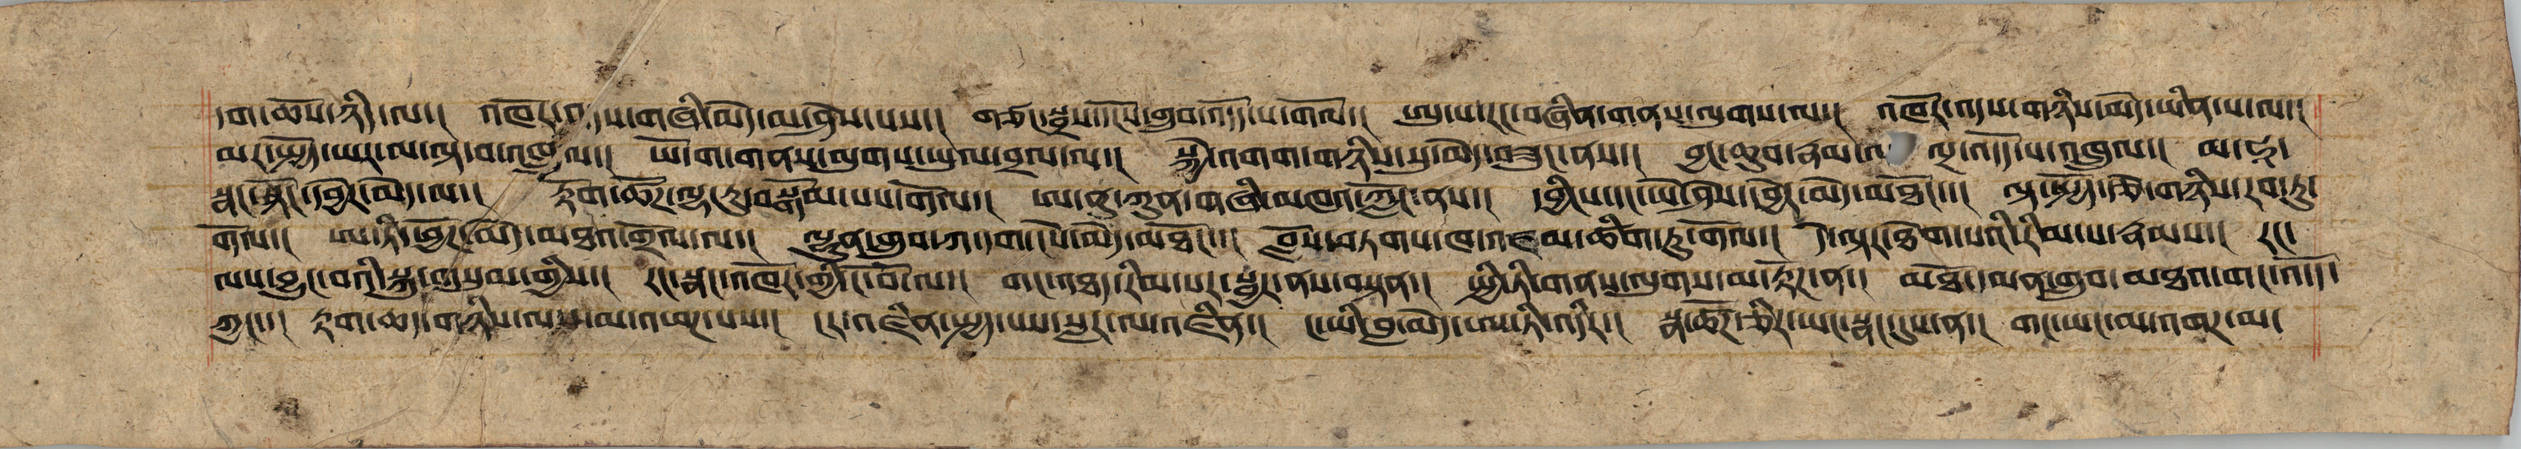དག་ཆོས་ཉིད་ལ་། འཁོར་འདས་གཞི་མེད་མ་ཤེས་པས་། གཙང་སྦྲས་དངོས་གྲུབ་འདོད་པ་གོལ་། ཨུ་པ་རང་བཞིན་གནས་ལུགས་ལ་། འཁོར་འདས་གཉིས་མེད་ཡིན་པ་ལ་།
མར་སྤྱོད་ཡར་ལ་ལྟ་བ་འཁྲུལ་། ཡོ་ག་གནས་ལུགས་ཡུལ་བྲལ་ལ་། སྐྱེ་འགག་གཉིས་སུ་མེད་བཟུང་ནས་། བྱང་ཆུབ་རྣམ་ ལྔ་འདོད་པ་འཁྲུལ་། མ་ཧཱ་
སྣང་སྟོང་དབྱེར་མེད་ལ་། རྟོག་ཚོཌ་ལྷ་རུ་བསྒོམ་པས་གོལ་། ཨ་ནུ་ཀུན་གཞི་མཁའ་ཀློང་ནས་། དབྱིངས་དང་ཡེ་ཤེས་དབྱེར་མེད་མཐོང་་། ལྟ་སྤྱོད་རྩེ་གཉིས་རབ་ཏུ་
གོལ་། ཨ་ཏི་ཕྱོཌ་མེད་མཐའ་གྲོལ་ལ་། ལྷུན་གྲུབ་ཀ་དག་ངེས་མེད་མཐོང་་། བློས་བཏགས་ཁ་འཇམ་ཚིག་ཏུ་གོལ་། དེ་ལྟར་ཐེག་པའི་རིམ་པ་རྣམས་། རང་
ལས་བྱུང་བའི་སྐུ་གསུམ་གྱིས་། རང་སྣང་འཁོར་གྱི་ངོ་བོ་ལ་། གང་འཐད་རིམ་པར་སྦྱར་ནས་བསྟན་། སྤྱི་ཏི་གནས་ལུགས་མ་རྟོཌ་ན་། མཐོང་དམན་གྲུབ་མཐའ་གང་འདོད་
ཀྱང་་། རྟག་ཆད་གཉིས་ལ་མ་འཕཌ་པས་། ངར་འཛིན་སྤྱད་པས་སླར་ལ་འཛིན་། ང་ཡི་བླ་མེད་ཨ་ཏི་འདིར་། སྣ་ཚོཌ་ཅིར་ཡང་སྣང་དུས་ན་། གང་ཡང་མ་འགཌ་མ་